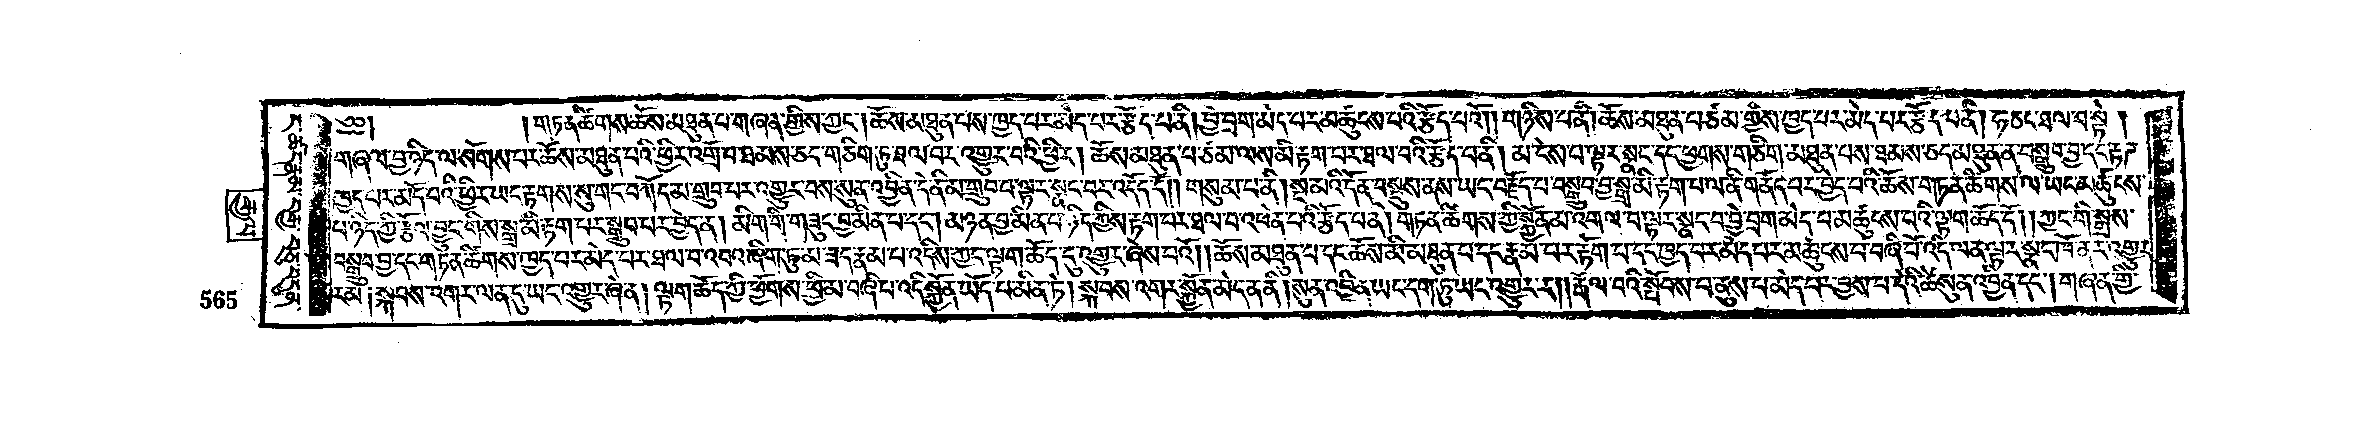༄༅། །གཏན་ཚིགས་ཆོས་མཐུན་པ་གཞན་གྱིས་ཀྱང་། ཆོས་མཐུན་པས་ཁྱད་པར་མེད་པར་རྩོད་པ་ནི། བྱེ་བྲག་མེད་པར་མཚུངས་པའི་རྩོད་པའོ། །གཉིས་པ་ནི། ཆོས་མཐུན་པ་ཙམ་གྱིས་ཁྱད་པར་མེད་པར་རྩོད་པ་ནི། ཧ་ཅང་ཐལ་བ་སྟེ།
གཞལ་བྱ་ཉིད་ལ་སོགས་པར་ཆོས་མཐུན་པའི་ཕྱིར་འགྲོ་བ་ཐམས་ཅད་གཅིག་ཏུ་ཐལ་བར་འགྱུར་བའི་ཕྱིར། ཆོས་མཐུན་པ་ཙམ་ལས་མི་རྟག་པར་ཐལ་བའི་རྩོད་པ་ནི། མ་ངེས་པ་ལྟར་སྣང་དང་ཕྱོགས་གཅིག་མཐུན་པས་ཐམས་ཅད་མཐུན་ན་བསྒྲུབ་བྱ་དང་རྟགས་
ཁྱད་པར་མདོ་བའི་ཕྱིར་ཡང་རྟགས་སུ་གང་བཀོད་མ་གྲུབ་པར་འགྱུར་བས་སུན་འབྱིན་དེ་ནི་མ་གྲུབ་པ་ལྟར་སྣང་བར་འདོད་དོ། །གསུམ་པ་ནི། སྔ་མའི་དོན་བསྡུས་ནས་ཡང་བརྗོད་པ་བསྒྲུབ་བྱ་སྒྲ་མི་རྟག་པ་ལ་ནི་གནོད་པར་བྱེད་པའི་ཆོས་གཏན་ཚིགས་ལ་ཡང་མཚུངས་
པ་ཉིད་ཀྱི་རྩོལ་བྱུང་གིས་སྒྲ་མི་རྟག་པར་སྒྲུབ་པར་བྱེད་ན། མིག་གི་གཟུང་བྱ་མིན་པ་དང་། མཉན་བྱ་མིན་པ་ཉིད་ཀྱིས་རྟག་པར་ཐལ་བ་འཕེན་པའི་རྩོད་པ་ནི། གཏན་ཚིགས་ཀྱི་སྐྱོན་མ་འགལ་བ་ལྟར་སྣང་བ་བྱེ་བྲག་མེད་པ་མཚུངས་པའི་ལྟག་ཆོད་དོ། །ཀྱང་གི་སྒྲས་
བསྒྲུབ་བྱ་དང་གཏན་ཚིགས་ཁྱད་པར་མེད་པར་ཐལ་བ་འབའ་ཞིག་ཏུ་མ་ཟད་རྣམ་པ་འདིས་ཀྱང་ལྟག་ཆོད་དུ་འགྱུར་ཞེས་པའོ། །ཆོས་མཐུན་པ་དང་ཆོས་མི་མཐུན་པ་དང་རྣམ་པར་རྟོག་པ་དང་ཁྱད་པར་མེད་པར་མཚུངས་པ་བཞི་པོ་འདི་ལན་ལྟར་སྣང་ཁོ་ནར་འགྱུར་
རམ༑ སྐབས་འགར་ལན་དུ་ཡང་འགྱུར་ཞེ་ན། ལྟག་ཆོད་ཀྱི་ཕྱོགས་ཕྱི་མ་བཞི་པ་འདི་སྐྱོན་ཡོད་པ་མིན་ཏེ། སྐབས་འགར་སྐྱོན་མེད་ན་ནི། སུན་འབྱིན་ཡང་དག་ཏུ་ཡང་འགྱུར་རོ། །རྒོལ་བའི་སྤོབས་པ་ནུས་པ་མེད་པར་བྱས་པ་དེའི་ཚེ་སུན་འབྱིན་དང་། གཞན་གྱི་